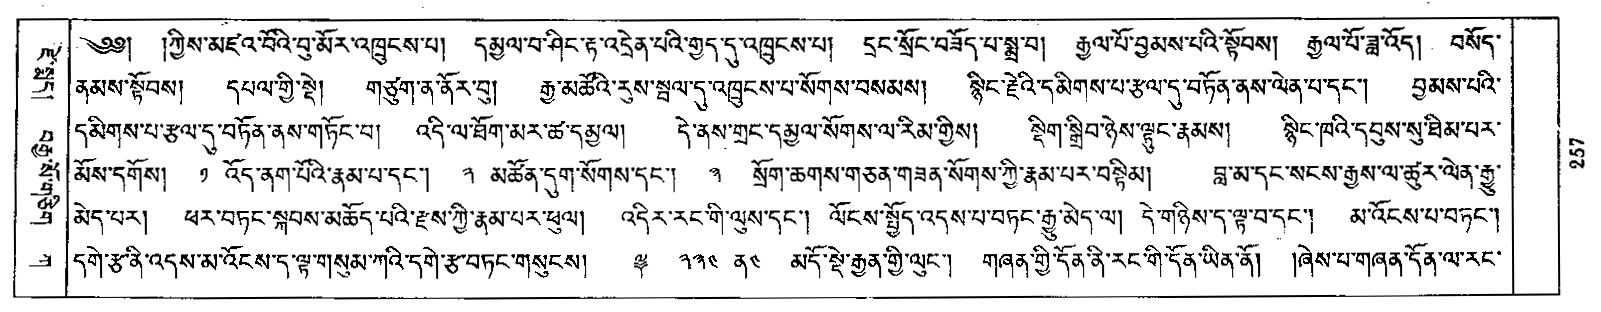༄༅། །ཀྱིས་མཛའ་བོའི་བུ་མོར་འཁྲུངས་པ། དམྱལ་བ་ཤིང་རྟ་འདྲེན་པའི་གྱད་དུ་འཁྲུངས་པ། དྲང་སྲོང་བཟོད་པ་སྨྲ་བ། རྒྱལ་པོ་བྱམས་པའི་སྟོབས། རྒྱལ་པོ་ཟླ་འོད། བསོད་
ནམས་སྟོབས། དཔལ་གྱི་སྡེ། གཙུག་ན་ནོར་བུ། རྒྱ་མཚོའི་རུས་སྦལ་དུ་འཁྲུངས་པ་སོགས་བསམས། སྙིང་རྗེའི་དམིགས་པ་རྩལ་དུ་བཏོན་ནས་ལེན་པ་དང་། བྱམས་པའི་
དམིགས་པ་རྩལ་དུ་བཏོན་ནས་གཏོང་བ། འདི་ལ་ཐོག་མར་ཚ་དམྱལ། དེ་ནས་གྲང་དམྱལ་སོགས་ལ་རིམ་གྱིས། སྡིག་སྒྲིབ་ཉེས་ལྟུང་རྣམས། སྙིང་ཁའི་དབུས་སུ་ཐིམ་པར་
མོས་དགོས། ༡་འོད་ནག་པོའི་རྣམ་པ་དང་། ༢་མཚོན་དུག་སོགས་དང་། ༣་སྲོག་ཆགས་གཅན་གཟན་སོགས་ཀྱི་རྣམ་པར་བསྟིམ། བླ་མ་དང་སངས་རྒྱས་ལ་ཚུར་ལེན་རྒྱུ་
མེད་པར། ཕར་བཏང་སྐབས་མཆོད་པའི་རྫས་ཀྱི་རྣམ་པར་ཕུལ། འདིར་རང་གི་ལུས་དང་། ལོངས་སྤྱོད་འདས་པ་བཏང་རྒྱུ་མེད་ལ། དེ་གཉིས་ད་ལྟ་བ་དང་། མ་འོངས་པ་བཏང་།
དགེ་རྩ་ནི་འདས་མ་འོངས་ད་ལྟ་གསུམ་ཀའི་དགེ་རྩ་བཏང་གསུངས། ༈ ༢༣༤་ན ༤་མདོ་སྡེ་རྒྱན་གྱི་ལུང་། གཞན་གྱི་དོན་ནི་རང་གི་དོན་ཡིན་ནོ། །ཞེས་པ་གཞན་དོན་ལ་རང་